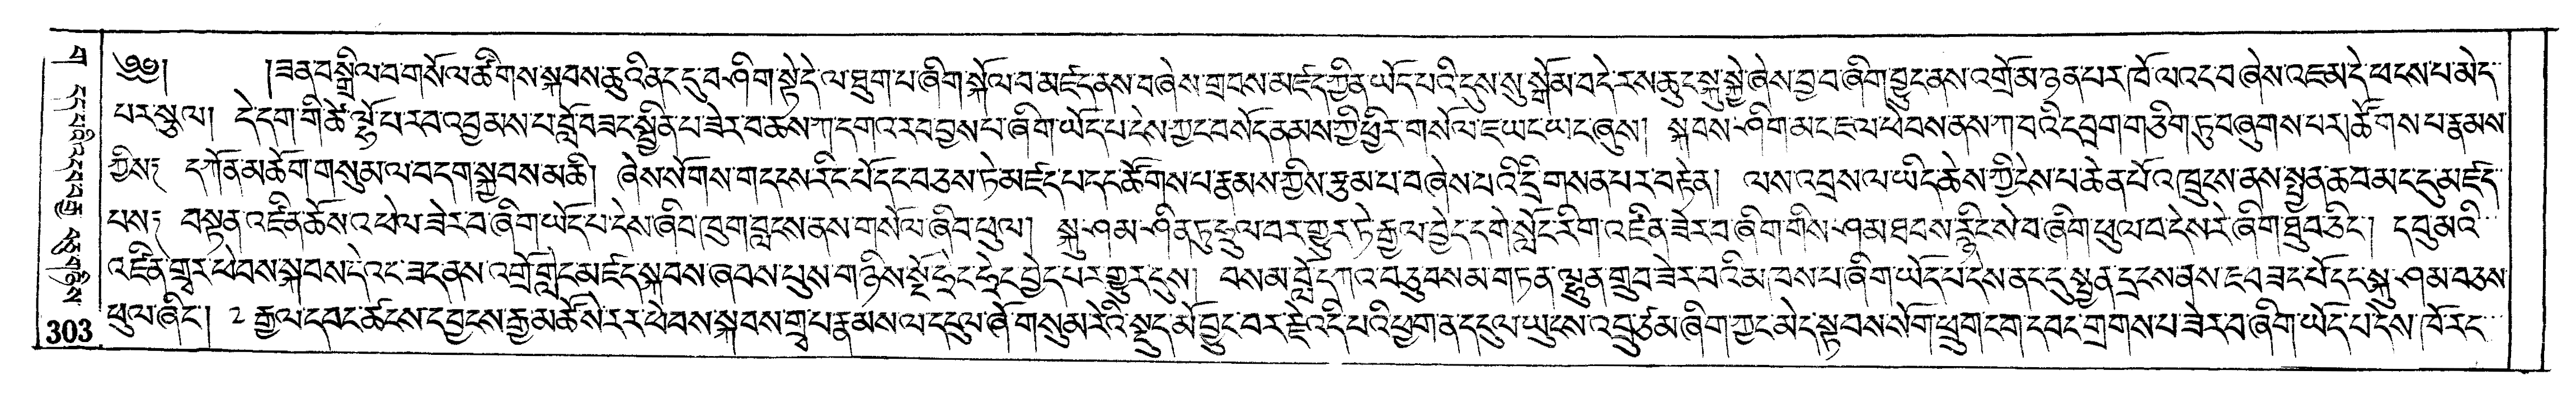༄༅། །ཟན་བསྒྲིལ་བ་གསོལ་ཚིགས་སྐབས་ཆུའི་ནང་དུ་བཤིག་སྟེ་དེ་ལ་ཐུག་པ་ཞིག་སྐོལ་བ་མཛད་ནས་བཞེས་གྲབས་མཛད་ཀྱིན་ཡོད་པའི་དུས་སུ་སྒོམ་བདེ་རས་ཆུང་སྐུ་སྐྱེ་ཞེས་བྱ་བ་ཞིག་བྱུང་ནས་འགྲོ་མཉན་པར་ཁོ་ལའང་བཞེས་འཇམ་དེ་ཕངས་པ་མེད་
པར་སྩལ། དེ་དག་གི་ཚེ་ལྷོ་པ་རབ་འབྱམས་བ་བློ་བཟང་སྦྱིན་པ་ཟེར་པ་ཆས་ཀ་དགའ་རབ་བྱས་པ་ཞིག་ཡོད་པ་དེས་ཀྱང་བསོད་ནམས་ཀྱི་ཕྱིར་གསོལ་ཇ་ཡང་ཡང་ཞུས། སྐབས་ཤིག་མང་ཇ་ལ་ཕེབས་ནས་ཀ་བའི་དབྲག་གཅིག་ཏུ་བཞུགས་པར། ཚོགས་པ་རྣམས་
ཀྱིས༑ དཀོན་མཆོག་གསུམ་ལ་བདག་སྐྱབས་མཆི། ཞེས་སོགས་གདངས་རིང་པོ་དང་བཅས་ཏེ་མཛད་པ་དང་ཚོགས་པ་རྣམས་ཀྱིས་རྩམ་པ་བཞེས་པའི་དྲི་གསན་པར་བརྟེན། ལས་འབྲས་ལ་ཡིད་ཆེས་ཀྱི་ངེས་པར་ཆེན་པོ་འཁྲུངས་ནས་སྤྱན་ཆབ་མང་དུ་མཛད་
པས༑ བསྟན་འཛིན་ཆོས་འཕེལ་ཟེར་བ་ཞིག་ཡོད་པ་དེས་ཞིབ་ཁུག་བླངས་ནས་གསོལ་ཞིབ་ཕུལ། སྐུ་ཤམ་ཤིན་ཏུ་ཧྲུལ་བར་གྱུར་ཏེ་རྒྱལ་བྱེད་དགེ་སློང་རིག་འཛིན་ཟེར་བ་ཞིག་གིས་ཤམ་ཐབས་རྙིང་སེ་བ་ཞིག་ཕུལ་བ་དེས་རེ་ཞིག་ཐུབ་ཅིང་། དབུ་མའི་
འཛིན་གྲྭར་ཕེབས་སྐབས་དེའང་ཟད་ནས་བགྲོ་གླེང་མཛད་སྐབས་ཞབས་པུས་གཉིས་སྔོ་ཧྲེང་ཧྲེང་བྱེད་པར་གྱུར་དུས། བསམ་བློ་དཀའ་བཅུ་བསམ་གཏན་ལྷུན་གྲུབ་ཟེར་བའི་མཁས་པ་ཞིག་ཡོད་པ་དེས་ནང་དུ་སྤྱན་དྲངས་ནས་ཇ་བཟང་པོ་དང་སྐུ་ཤམ་བཅས་
ཕུལ་ཞིང་། ༧་རྒྱལ་དབང་ཚངས་དབྱངས་རྒྱ་མཚོ་སེ་རར་ཕེབས་སྐབས་གྲྭ་པ་རྣམས་ལ་དངུལ་ཞོ་གསུམ་རེའི་སྡུད་མོ་བྱུང་བར་རྗེ་འདི་པའི་ཕྱག་ན་དངུལ་ཡུངས་འབྲུ་ཙམ་ཞིག་ཀྱང་མེད་སྟབས་སོགས་ཕྲུག་ངག་དབང་གྲགས་པ་ཟེར་བ་ཞིག་ཡོད་པ་དེས་ཁོ་རང་